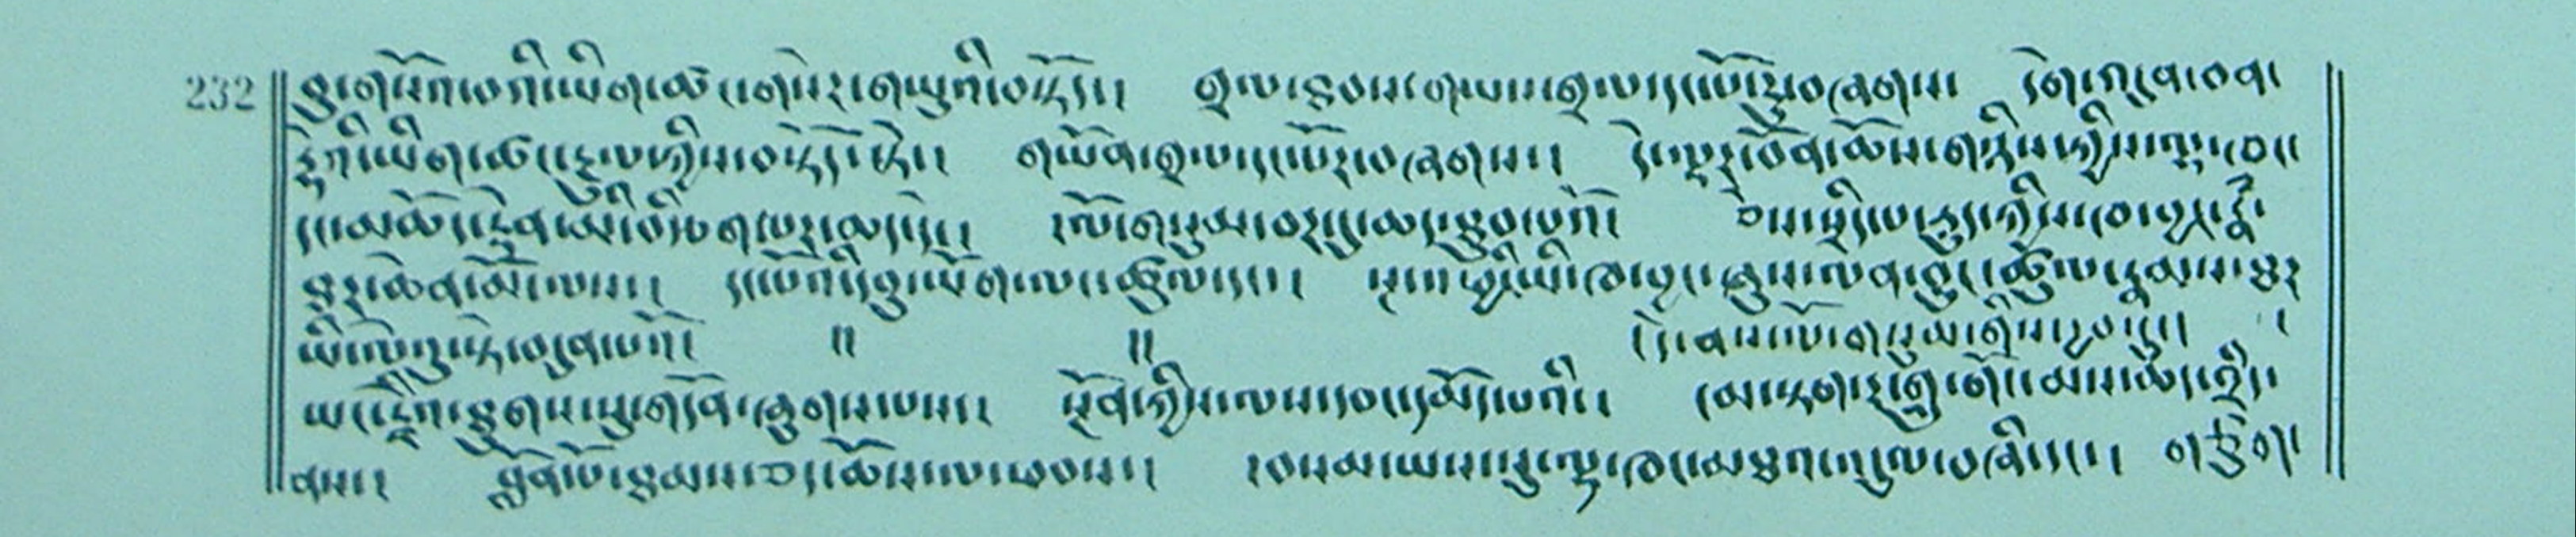བུ་གསོ་བའི་ཡིག་ཚང་གསེར་གཡུའི་བསྟོད། གྲལ་ཐབས་གཡས་གྲལ་དང་པོ་ལ་བཞག དགེ་འདུན་བན་
དྷེའི་ཡིག་ཚང་དངུལ་གྱིས་བསྟོད་ཏེ། གཡོན་གྲལ་དང་པོར་བཞག དེ་ལྟར་བོན་ཆོས་གཉིས་ཀྱི་ལྷ་ཁང་
དང་མཆོད་རྟེན་མི་བརྩིགས་པར་ཆད་དེ། ལོ་གསུམ་བར་དུ་ཆད་ཐུབ་པའོ། །ཞེས་སྲིད་པ་རྒྱུད་ཀྱི་ཁ་བྱང་རྣམ་
ཐར་ཆེན་མོ་ལས། དང་པོ་དབུ་ཡོག་བྱུང་ཚུལ་དང་། སྔ་འཕྱི་ཡི་ཁ་བྱང་ཞུས་ལན་བྱུང་ཚུལ་རྣམ་ཐར་
གྱི་ལེའུ་སྟེ་བདུན་པའོ།། །། དེ་ནས་ལོ་གསུམ་གྱིས་རྒྱབ་ཏུ། 
ཡང་རྗེའི་རྒྱལ་བོའི་ཐུགས་སུ་གདོན་ཞུགས་པས། སྔོན་གྱི་ལས་དབང་དམོད་པའི། ངམ་སྟག་ར་ཀླུ་གོང་མས་ཆད་བྲིད་
ནས། བློན་པོ་ཐམས་ཅད་ཆོས་ལ་ཕབས། བསམ་ཡས་སུ་ལྷ་ཁང་མཐའ་འདུལ་བཞི་དང་། གཙུག་